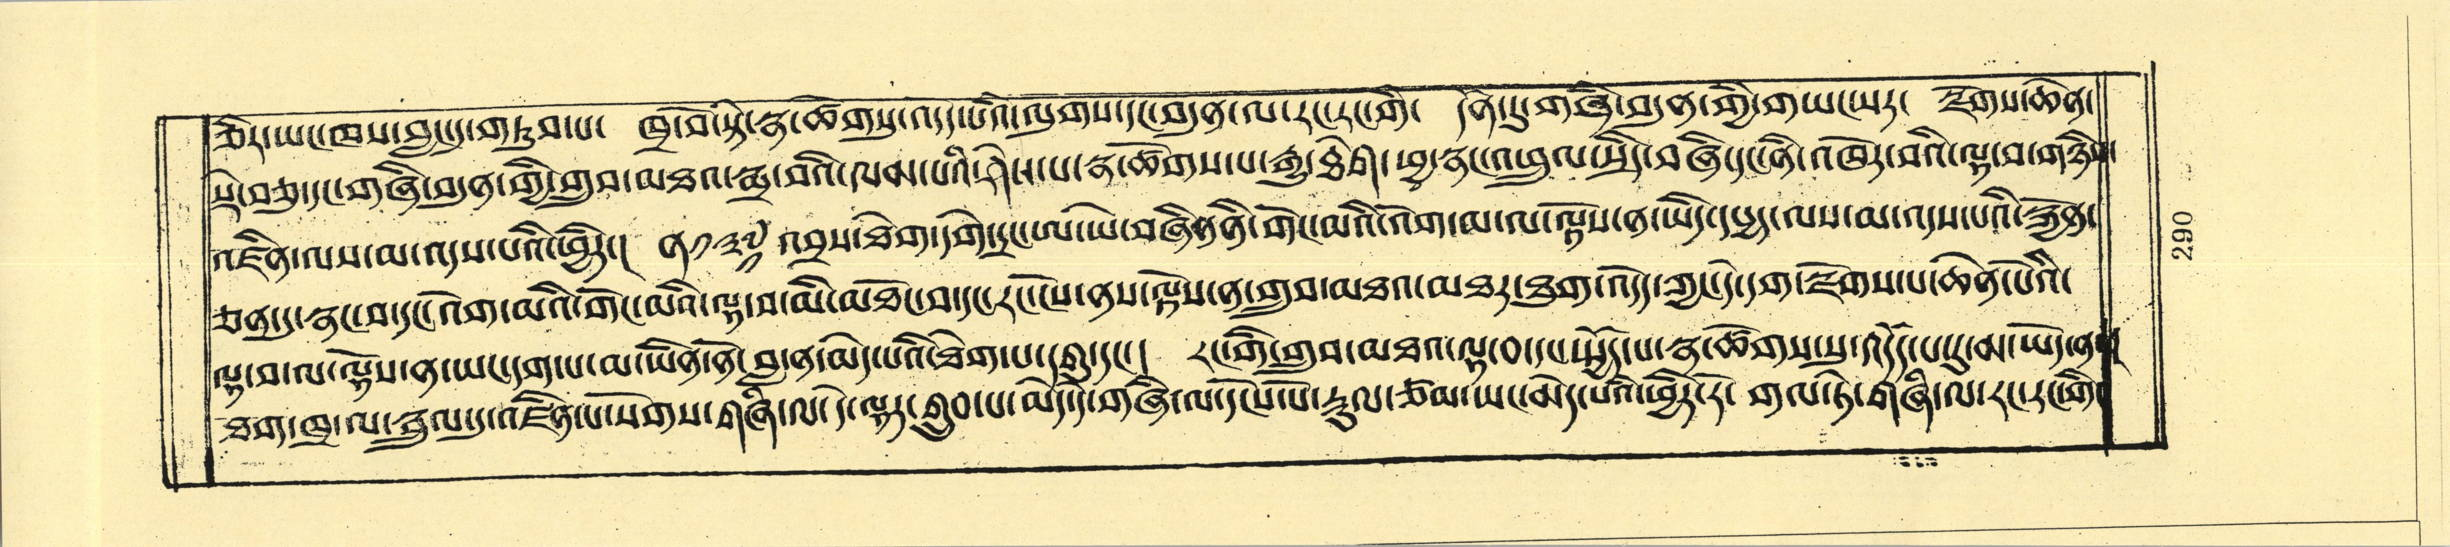ཅིར་ཡང་ཁས་བླང་དུ་གཏུབ་པ། ཁྲ་བོ་སྟེ་སྣ་ཚོགས་སུ་འདོད་པའི་ལུགས་དང་བདུན་ལ་རང་རང་གི། ༼དོན་དུ་༽གཞི་བདུན་གྱི་གཡང་སར། སྫོགས་ཆེན་
སྡེ་བཅུ་དང་གཞི་བདུན་གྱི་གྲུབ་མཐའ་སྨྲ་བའི་ ༼ལམ་པའི་ཤེས་པ་༽སྣ་ཚོགས་པ་རྒྱུ་ ༼ཐེག་༽ཕྱྭ་སྣང་འཕྲུལ་སྲིད་བཞི་དང་ནི་འཁོར་བའི་ལྟ་བ་གཉིས་
འཛིན་ལས་མ་འདས་པའི་ཕྱིར། ན༡༣༧།༡ འབྲས་ཐེག་དགེ་དྲང་ཨ་ཡེ་བཞིན་ནི་གོང་མའི་འོག་མ་ལ་ལྟོས་ན་ཡིད་དཔྱད་ལས་མ་འདས་པའི་སྐྱོན་
ཅན་དུ་སྣང་བ་དང་འོག་མའི་གོང་མའི་ལྟ་བ་མི་མཐོང་བ་དང་རང་ངོས་ནས་ལྟོས་ན་གྲུབ་མཐའ་མཐར་ཐུག་འདོད་ཀྱང་དེ་དག་སྫོགས་པ་ཆེན་པོའི་
ལྟ་བ་ལ་ལྟོས་ན་ཡང་དག་པ་མ་ཡིན་ནོ། བླ་ན་མེད་པའི་ཐེག་པ་ ༼དགུ་དང།༽རང་གི་གྲུབ་མཐའ་ ༼ལྟ་བ་༽དང་ ༼སྤྱོད་༽པ་སྣ་ཚོགས་སུ་ ༼འདོད་པ་དུ་མ་༽ཡོད་ན། 
ཐག་ཁྲ་ལ་སྦྲུལ་དུ་འཛིན་པ་སོགས་ ༼གཞི་ལ་༽དེ་ལྟར་ ༼གྲུབ་པ་༽མེད་དེ་གཞི་ལ་དངོས་པོ་ ༼རྡུལ་༽ཙམ་ ༼ཡང་མེད་༽པའི་ཕྱིར་རོ། གལ་ཏེ་ ༼གཞི་ལ་༽རང་རང་གི་